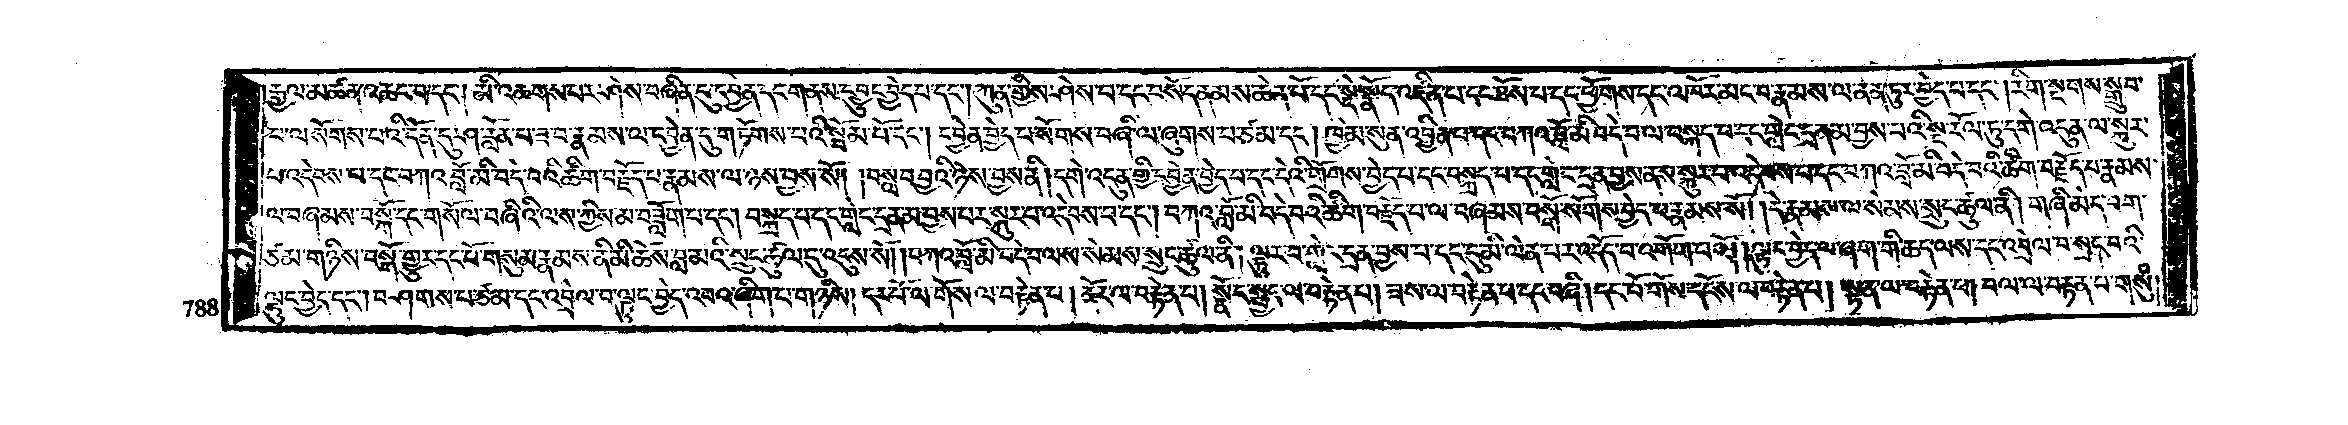རྒྱལ་མཚན་འཆང་བ་དང་། མི་འཆགས་པར་ཤེས་བཞིན་དུ་དབྱེན་དང་གནས་དབྱུང་བྱེད་པ་དང་། ཀུན་གྱིས་ཤེས་པ་དང་བསོད་ནམས་ཆེན་པོ་དང་སྡེ་སྣོད་འཛིན་པ་དང་ཐོས་པ་དང་ཕྱོགས་དང་འཁོར་མང་བ་རྣམས་ལ་ནན་ཏུར་བྱེད་པ་དང་། རིག་སྔགས་སྒྲུབ་
པ་ལ་སོགས་པའི་དོན་དུ་ཤ་རློན་པ་ཟ་བ་རྣམས་ལ་དབྱེན་དུ་གཏོགས་པའི་སྦོམ་པོ་དང་། དབྱེན་བྱེད་པ་སོགས་བཞི་ལ་ཞུགས་པ་ཙམ་དང་། ཁྱིམ་སུན་འབྱིན་པ་དང་བཀའ་བློ་མི་བདེ་བ་ལ་བསྐད་པ་དང་གླེང་དྲན་མ་བྱས་པའི་སྔ་རོལ་ཏུ་དགེ་འདུན་ལ་སྐུར་
པ་འདེབས་པ་དང་བཀའ་བློ་མི་བདེ་བའི་ཚིག་བརྗོད་པ་རྣམས་ལ་ཉས་བྱས་སོ། །བསླབ་བྱའི་ཉེས་བྱས་ནི། དགེ་འདུན་གྱི་དབྱེན་བྱེད་པ་དང་དེའི་གྲོགས་བྱེད་པ་དང་བསྐྲད་པ་དང་གླེང་དྲན་བྱས་ནས་སྐུར་བ་འདེབས་པ་དང་བཀའ་བློ་མི་བདེ་བའི་ཚིག་བརྗོད་པ་རྣམས་
ལ་བཞམས་བསྒོ་དང་གསོལ་བཞིའི་ལས་ཀྱིས་མ་བཟློག་པ་དང་། བསྐྲད་པ་དང་གླེང་དྲན་མ་བྱས་པར་སྐུར་པ་འདེབས་པ་དང་། བཀའ་བློ་མི་བདེ་བའི་ཚིག་བརྗོད་པ་ལ་བཞམས་བསྒོ་སོགས་བྱེད་པ་རྣམས་སོ། །དེ་རྣམས་ལ་སེམས་སྲུང་ཚུལ་ནི། གཞི་མེད་བག་
ཙམ་གཉིས་བསྒོ་གྱུར་དང་པོ་གསུམ་རྣམས་ནི་མི་ཆོས་བླ་མའི་སྲུང་ཚུལ་དུ་འདུས་སོ། །བཀའ་བློ་མི་བདེ་བ་ལས་སེམས་སྲུང་ཚུལ་ནི། ལྟུར་བ་གླེང་དྲན་བྱས་པ་དང་དུ་མི་ལེན་པར་འདོད་པ་འགོག་པའོ། །ལྟུང་བྱེད་ལ་ཞག་གི་ཆད་ལས་དང་འབྲེལ་བ་སྲང་བའི་
ལྷུང་བྱེད་དང་། བཤགས་པ་ཙམ་དང་འབྲེལ་བ་ལྟུང་བྱེད་འབའ་ཞིག་པ་གཉིས། དང་པོ་ལ་གོས་ལ་བརྟེན་པ། ནོར་ལ་བརྟེན་པ། སྣོད་སྤྱད་ལ་བརྟེན་པ། ཟས་ལ་བརྟེན་པ་དང་བཞི། དང་པོ་གོས་དངོས་ལ་བརྟེན་པ། སྟན་ལ་བརྟེན་པ། བལ་ལ་བརྟན་པ་གསུཾ།